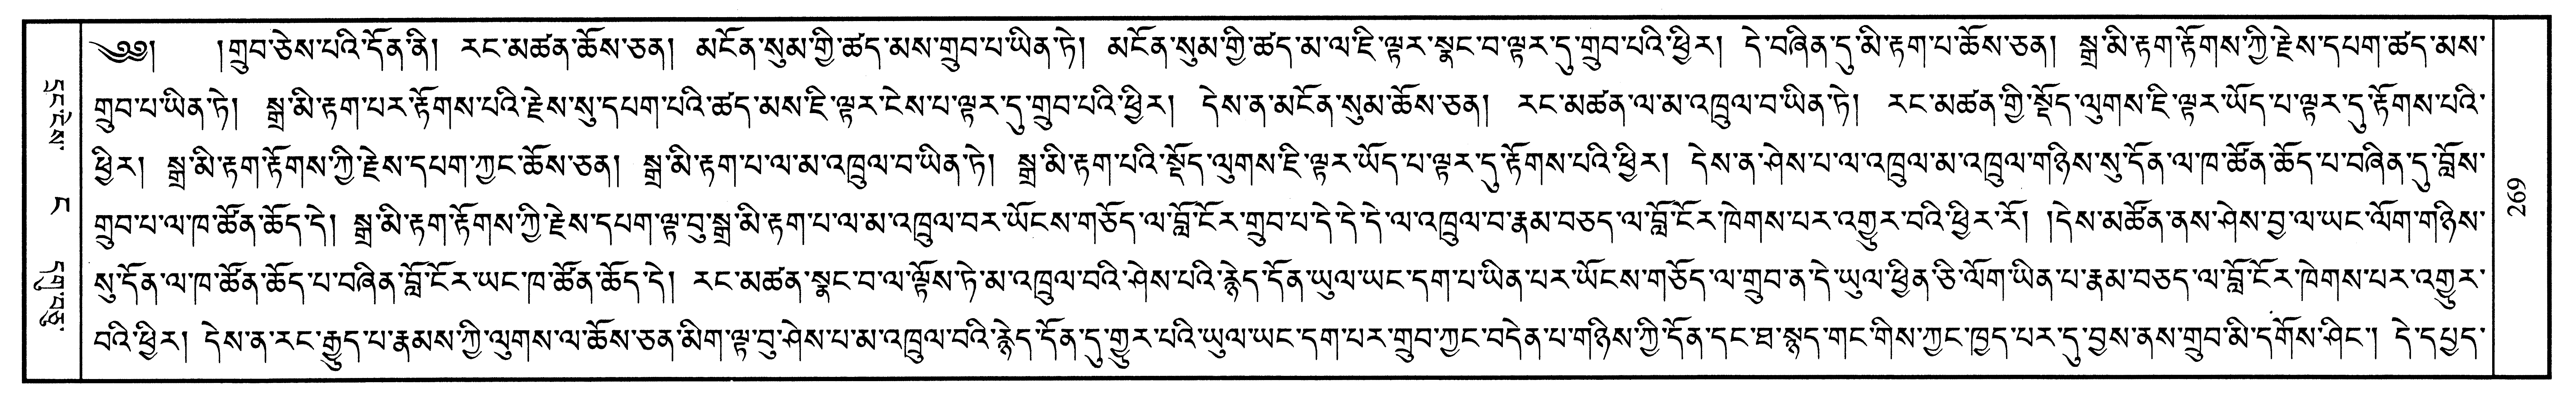༄༅། །གྲུབ་ཅེས་པའི་དོན་ནི། རང་མཚན་ཆོས་ཅན། མངོན་སུམ་གྱི་ཚད་མས་གྲུབ་པ་ཡིན་ཏེ། མངོན་སུམ་གྱི་ཚད་མ་ལ་ཇི་ལྟར་སྣང་བ་ལྟར་དུ་གྲུབ་པའི་ཕྱིར། དེ་བཞིན་དུ་མི་རྟག་པ་ཆོས་ཅན། སྒྲ་མི་རྟག་རྟོགས་ཀྱི་རྗེས་དཔག་ཚད་མས་
གྲུབ་པ་ཡིན་ཏེ། སྒྲ་མི་རྟག་པར་རྟོགས་པའི་རྗེས་སུ་དཔག་པའི་ཚད་མས་ཇི་ལྟར་ངེས་པ་ལྟར་དུ་གྲུབ་པའི་ཕྱིར། དེས་ན་མངོན་སུམ་ཆོས་ཅན། རང་མཚན་ལ་མ་འཁྲུལ་བ་ཡིན་ཏེ། རང་མཚན་གྱི་སྡོད་ལུགས་ཇི་ལྟར་ཡོད་པ་ལྟར་དུ་རྟོགས་པའི་
ཕྱིར། སྒྲ་མི་རྟག་རྟོགས་ཀྱི་རྗེས་དཔག་ཀྱང་ཆོས་ཅན། སྒྲ་མི་རྟག་པ་ལ་མ་འཁྲུལ་བ་ཡིན་ཏེ། སྒྲ་མི་རྟག་པའི་སྡོད་ལུགས་ཇི་ལྟར་ཡོད་པ་ལྟར་དུ་རྟོགས་པའི་ཕྱིར། དེས་ན་ཤེས་པ་ལ་འཁྲུལ་མ་འཁྲུལ་གཉིས་སུ་དོན་ལ་ཁ་ཚོན་ཆོད་པ་བཞིན་དུ་བློས་
གྲུབ་པ་ལ་ཁ་ཚོན་ཆོད་དེ། སྒྲ་མི་རྟག་རྟོགས་ཀྱི་རྗེས་དཔག་ལྟ་བུ་སྒྲ་མི་རྟག་པ་ལ་མ་འཁྲུལ་བར་ཡོངས་གཅོད་ལ་བློ་ངོར་གྲུབ་པ་དེ་དེ་དེ་ལ་འཁྲུལ་བ་རྣམ་བཅད་ལ་བློ་ངོར་ཁེགས་པར་འགྱུར་བའི་ཕྱིར་རོ། །དེས་མཚོན་ནས་ཤེས་བྱ་ལ་ཡང་ལོག་གཉིས་
སུ་དོན་ལ་ཁ་ཚོན་ཆོད་པ་བཞིན་བློ་ངོར་ཡང་ཁ་ཚོན་ཆོད་དེ། རང་མཚན་སྣང་བ་ལ་ལྟོས་ཏེ་མ་འཁྲུལ་བའི་ཤེས་པའི་རྙེད་དོན་ཡུལ་ཡང་དག་པ་ཡིན་པར་ཡོངས་གཅོད་ལ་གྲུབ་ན་དེ་ཡུལ་ཕྱིན་ཅི་ལོག་ཡིན་པ་རྣམ་བཅད་ལ་བློ་ངོར་ཁེགས་པར་འགྱུར་
བའི་ཕྱིར། དེས་ན་རང་རྒྱུད་པ་རྣམས་ཀྱི་ལུགས་ལ་ཆོས་ཅན་མིག་ལྟ་བུ་ཤེས་པ་མ་འཁྲུལ་བའི་རྙེད་དོན་དུ་གྱུར་པའི་ཡུལ་ཡང་དག་པར་གྲུབ་ཀྱང་བདེན་པ་གཉིས་ཀྱི་དོན་དང་ཐ་སྙད་གང་གིས་ཀྱང་ཁྱད་པར་དུ་བྱས་ནས་གྲུབ་མི་དགོས་ཤིང་། དེ་དཔྱད་